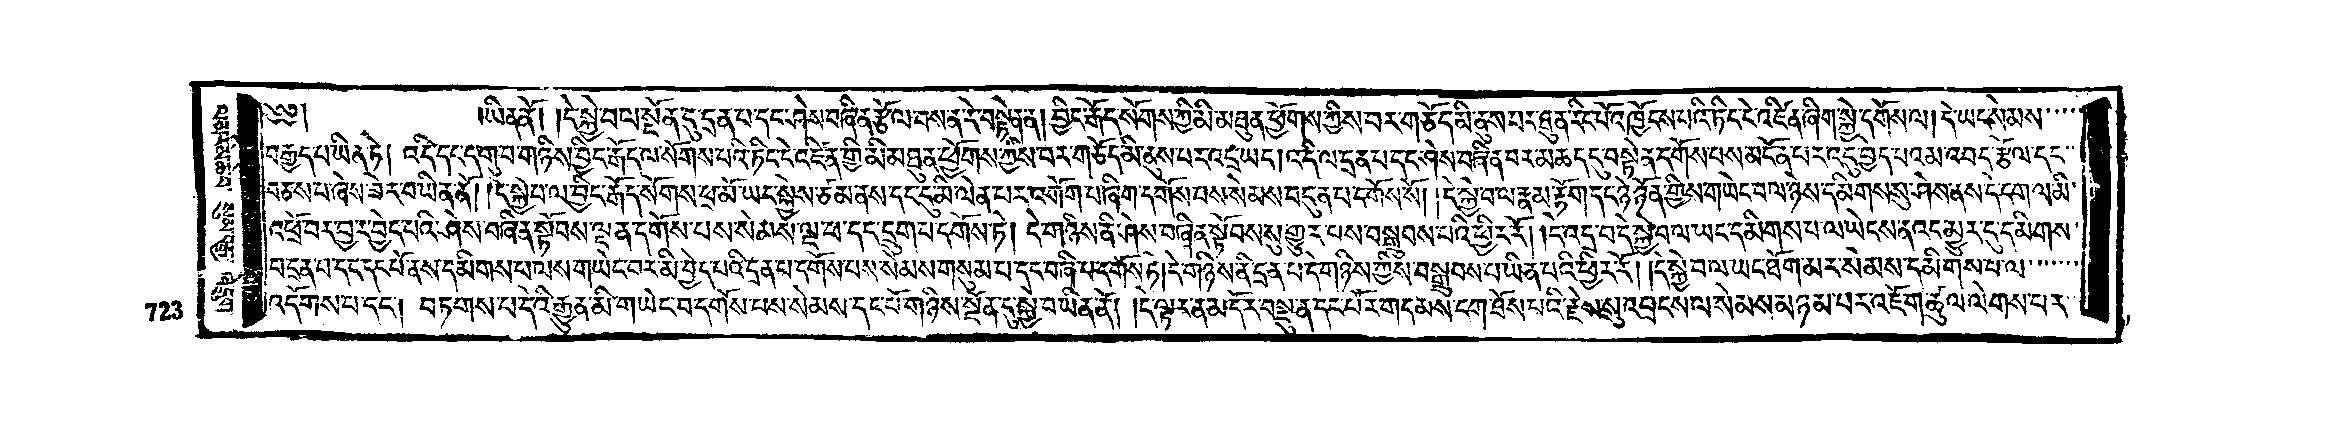༄༅། །ཡིན་ནོ། །དེ་སྐྱེ་བ་ལ་སྔོན་དུ་དྲན་པ་དང་ཤེས་བཞིན་རྩོལ་བས་ན་རེ་བསྟེན་ན། བྱིང་རྒོད་སོགས་ཀྱི་མི་མཐུན་ཕྱོགས་ཀྱིས་བར་གཅོད་མི་ནུས་པར་ཐུན་རིང་པོ་འཁྱོངས་པའི་ཏིང་ངེ་འཛིན་ཞིག་སྐྱེ་དགོས་ལ། དེ་ཡང་སེམས་
བརྒྱད་པ་ཡིན་ཏེ། འདི་དང་དགུ་པ་གཉིས་བྱིང་རྒོད་ལ་སོགས་པའི་ཏིང་ངེ་འཛིན་གྱི་མི་མཐུན་ཕྱོགས་ཀྱིས་བར་གཅོད་མི་ནུས་པར་འདྲ་ཡང་། འདི་ལ་དྲན་པ་དང་ཤེས་བཞིན་བར་མ་ཆད་དུ་བསྟེན་དགོས་པས་མངོན་པར་འདུ་བྱེད་པའམ་འབད་རྩོལ་དང་
བཅས་པ་ཞེས་ཟེར་བ་ཡིན་ནོ། །དེ་སྐྱེ་བ་ལ་བྱིང་རྒོད་སོགས་ཕྲ་མོ་ཡང་སྐྱེས་ཙམ་ནས་དང་དུ་མི་ལེན་པར་འགོག་པ་ཞིག་དགོས་པས་སེམས་བདུན་པ་དགོས་སོ། །དེ་སྐྱེ་བ་ལ་རྣམ་རྟོག་དང་ཉེ་ཉོན་གྱིས་གཡེང་བ་ལ་ཉེས་དམིགས་སུ་ཤེས་ནས་དེ་དག་ལ་མི་
འཕྲོ་བར་བྱ་ར་བྱེད་པའི་ཤེས་བཞིན་སྟོབས་ལྡན་དགོས་པས་སེམས་ལྔ་པ་དང་དྲུག་པ་དགོས་ཏེ། དེ་གཉིས་ནི་ཤེས་བཞིན་སྟོབས་སུ་གྱུར་པས་བསྒྲུབས་པའི་ཕྱིར་རོ། །དེ་འདྲ་བ་དེ་སྐྱེ་བ་ལ་ཡང་དམིགས་པ་ལ་ཡེངས་ནའང་མྱུར་དུ་དམིགས་
པ་དྲན་པ་དང་དང་པོ་ནས་དམིགས་པ་ལས་གཡེང་བར་མི་བྱེད་པའི་དྲན་པ་དགོས་པས་སེམས་གསུམ་པ་དང་བཞི་པ་དགོས་ཏེ། དེ་གཉིས་ནི་དྲན་པ་དེ་གཉིས་ཀྱིས་བསྒྲུབས་པ་ཡིན་པའི་ཕྱིར་རོ། །དེ་སྐྱེ་བ་ལ་ཡང་ཐོག་མར་སེམས་དམིགས་པ་ལ་
འདོགས་པ་དང་། བཏགས་པ་དེའི་རྒྱུན་མི་གཡེང་བ་དགོས་པས་སེམས་དང་པོ་གཉིས་སྔོན་དུ་སྐྱེ་བ་ཡིན་ནོ། །དེ་ལྟར་ན་མདོར་བསྡུ་ན་དང་པོར་གདམས་ངག་ཐོས་པའི་རྗེས་སུ་འབྲངས་ལ་སེམས་མཉམ་པར་འཇོག་ཚུལ་ལེགས་པར་